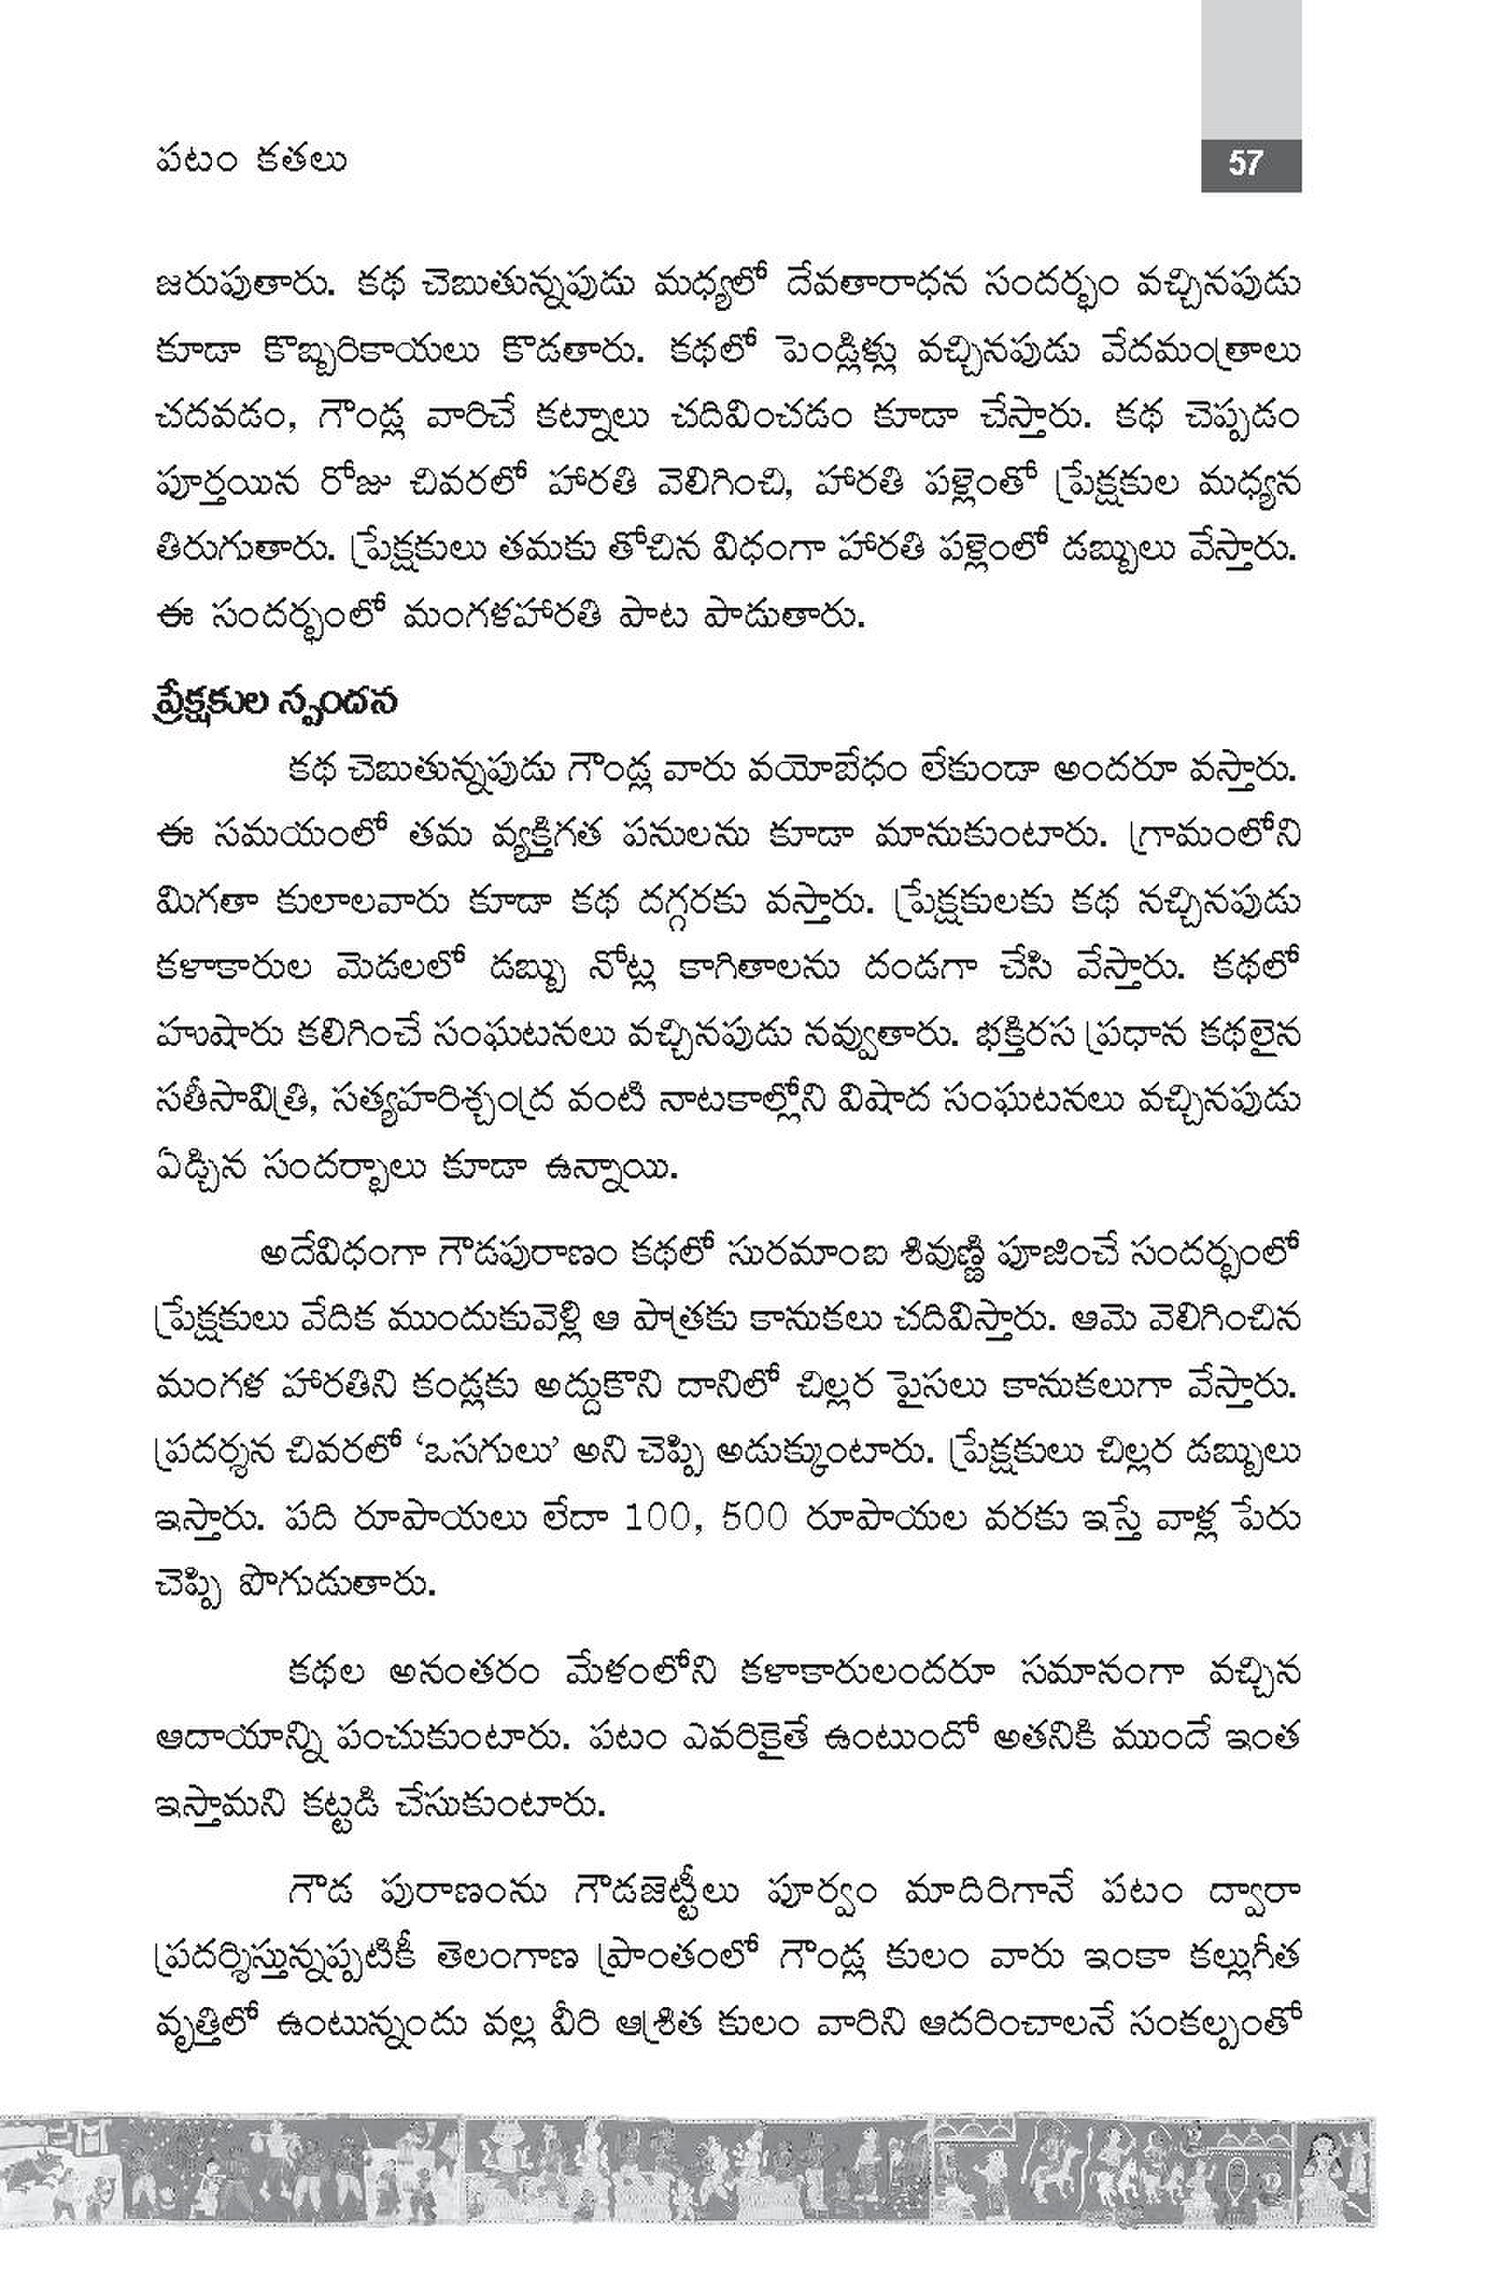జరుపుతారు. కథ చెబుతున్నపుడు మధ్యలో దేవతారాధన సందర్భం వచ్చినపుడు కూడా కొబ్బరికాయలు కొడతారు. కథలో పెండ్లిళ్లు వచ్చినపుడు వేదమంత్రాలు చదవడం, గౌండ్ల వారిచే కట్నాలు చదివించడం కూడా చేస్తారు. కథ చెప్పడం పూర్తయిన రోజు చివరలో హారతి వెలిగించి, హారతి పళ్లెంతో ప్రేక్షకుల మధ్యన తిరుగుతారు. ప్రేక్షకులు తమకు తోచిన విధంగా హారతి పళ్లెంలో డబ్బులు వేస్తారు. ఈ సందర్భంలో మంగళహారతి పాట పాడుతారు.

ప్రేక్షకుల స్పందన 

కథ చెబుతున్నపుడు గౌండ్ల వారు వయోబేధం లేకుండా అందరూ వస్తారు. ఈ సమయంలో తమ వ్యక్తిగత పనులను కూడా మానుకుంటారు. గ్రామంలోని మిగతా కులాలవారు కూడా కథ దగ్గరకు వస్తారు. ప్రేక్షకులకు కథ నచ్చినపుడు
కళాకారుల మెదలలో డబ్బు నోట్ల కాగితాలను దండగా చేసి వేస్తారు. కథలో హుషారు కలిగించే సంఘటనలు వచ్చినపుడు నవ్వుతారు. భక్తిరస ప్రధాన కథలైన సతీసావిత్రి, సత్యహరిశ్చంద్ర వంటి నాటకాల్లోని విషాద సంఘటనలు వచ్చినపుడు ఏడ్చిన సందర్భాలు కూడా ఉన్నాయి.

అదేవిధంగా గౌడపురాణం కథలో సురమాంబ శివుణ్ణి పూజించే సందర్భంలో ప్రేక్షకులు వేదిక ముందుకువెళ్లి ఆ పాత్రకు కానుకలు చదివిస్తారు. ఆమె వెలిగించిన మంగళ హారతిని కండ్లకు అద్దుకొని దానిలో చిల్లర పైసలు కానుకలుగా వేస్తారు. ప్రదర్శన చివరలో 'ఒసగులు' అని చెప్పి అడుక్కుంటారు. ప్రేక్షకులు చిల్లర డబ్బులు ఇస్తారు. పది రూపాయలు లేదా 100, 500 రూపాయల వరకు ఇస్తే వాళ్ల పేరు చెప్పి పొగుడుతారు.

కథల అనంతరం మేళంలోని కళాకారులందరూ సమానంగా వచ్చిన ఆదాయాన్ని పంచుకుంటారు. పటం ఎవరికైతే ఉంటుందో అతనికి ముందే ఇంత ఇస్తామని కట్టడి చేసుకుంటారు.

గౌడ పురాణంను గౌడజెట్టీలు పూర్వం మాదిరిగానే పటం ద్వారా ప్రదర్శిస్తున్నప్పటికీ తెలంగాణ ప్రాంతంలో గౌండ్ల కులం వారు ఇంకా కల్లుగీత వృత్తిలో ఉంటున్నందు వల్ల వీరి ఆశ్రిత కులం వారిని ఆదరించాలనే సంకల్పంతో